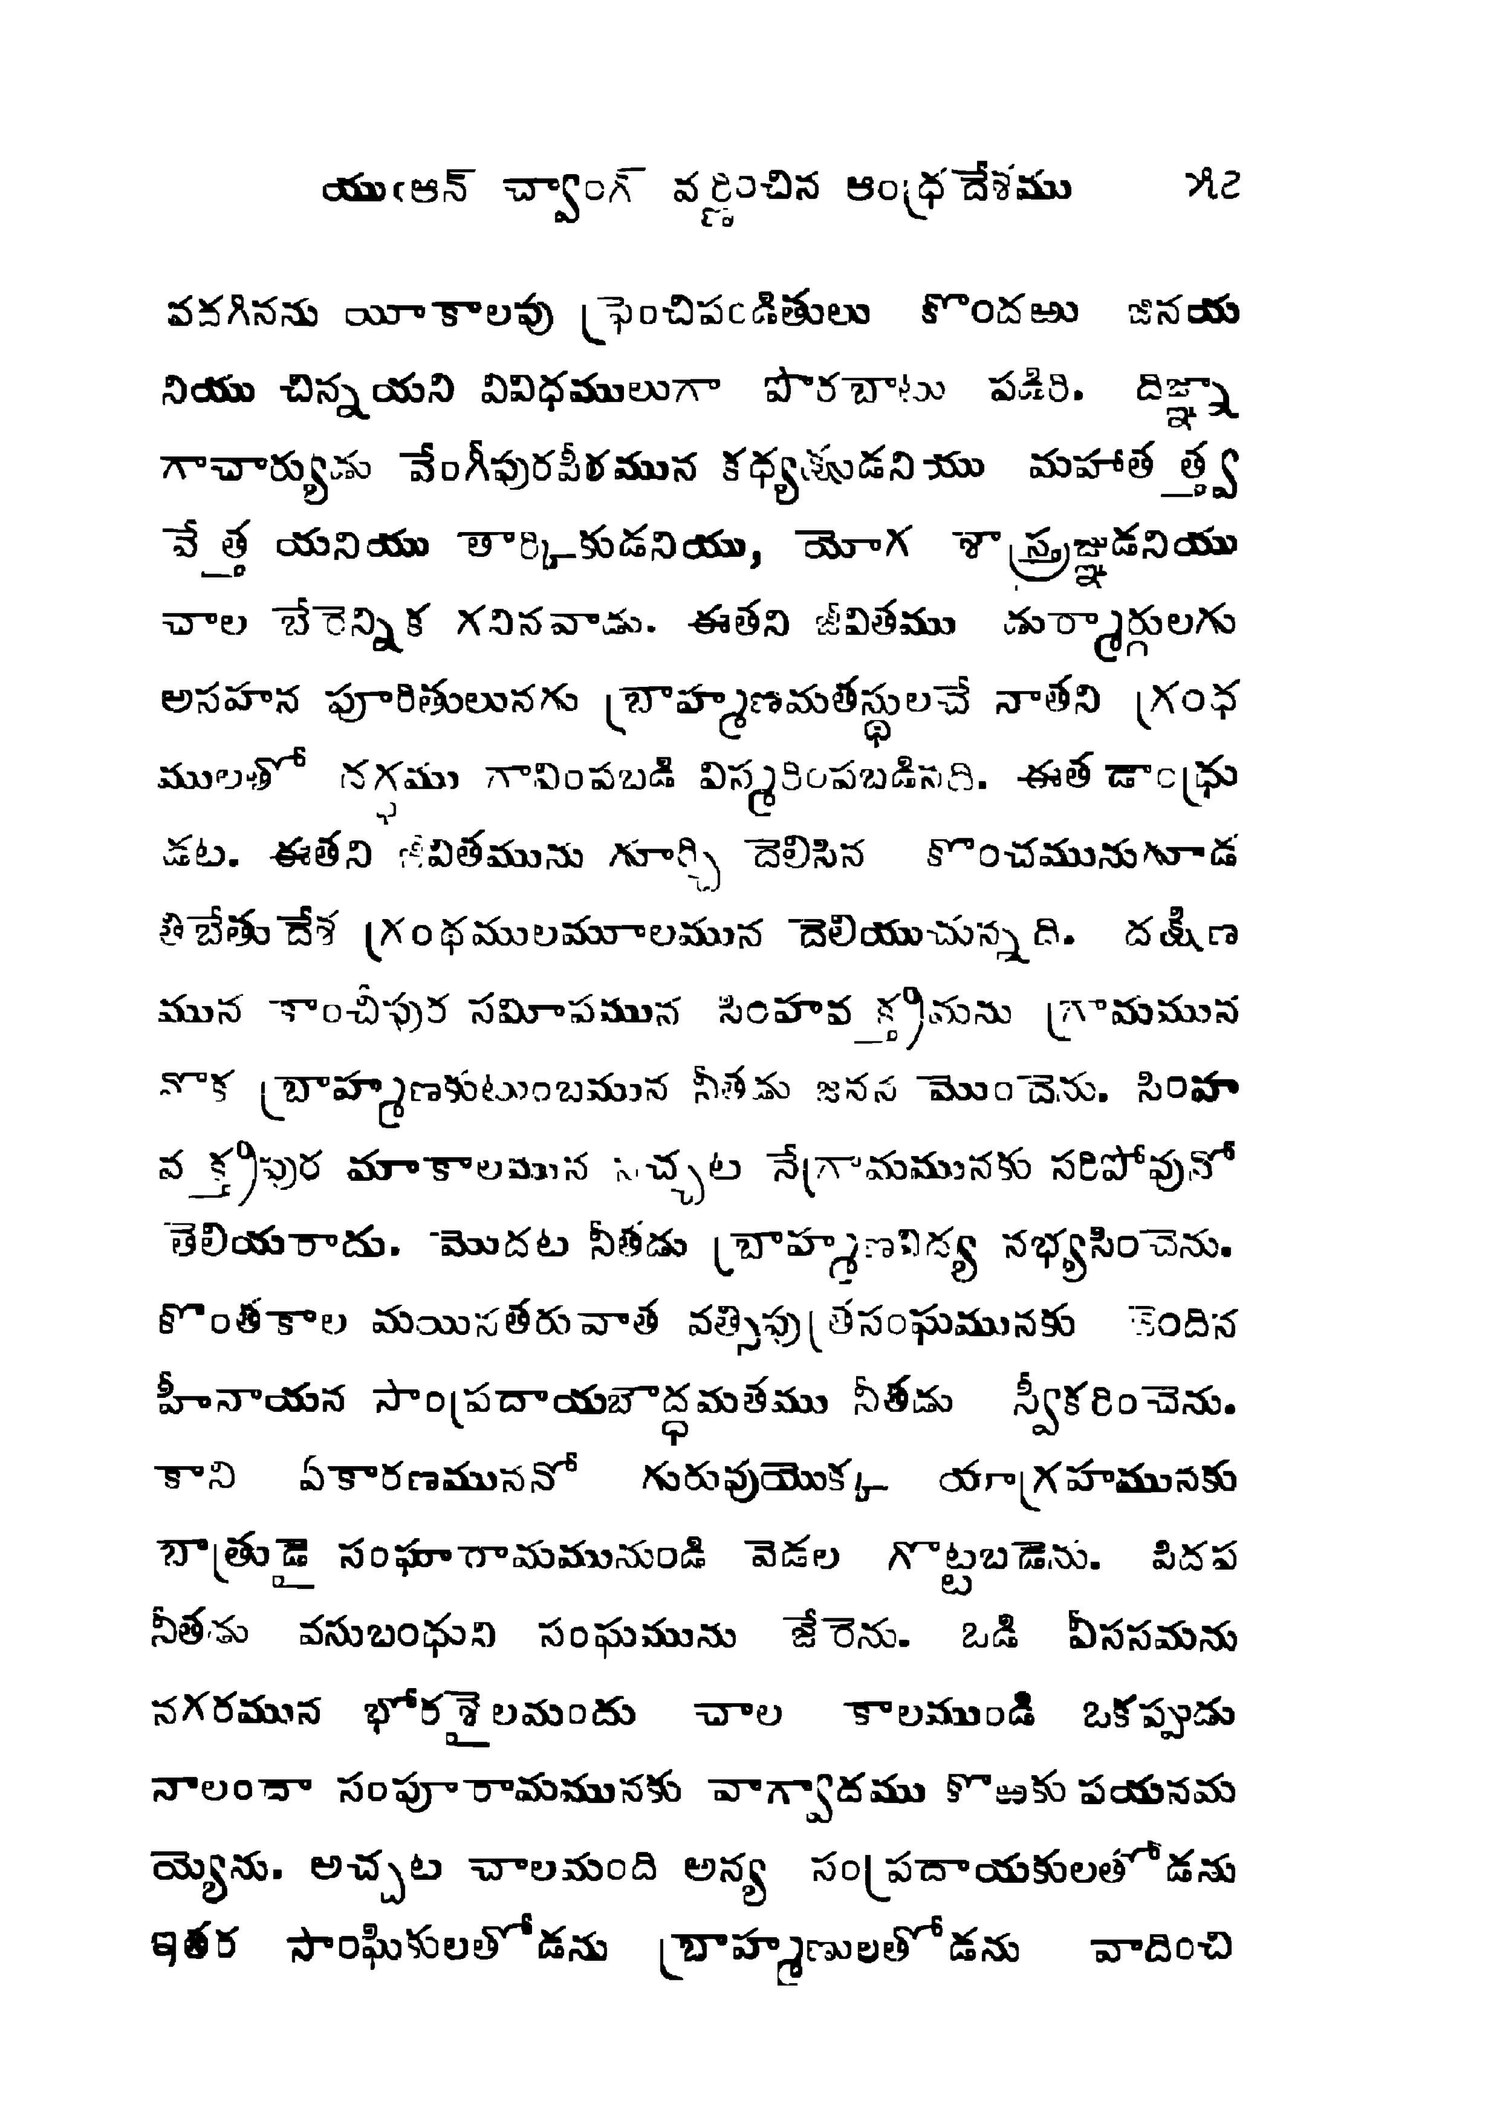వదగినను యీకాలపు ఫ్రెంచిపండితులు కొందఱు జినయనియు చిన్నయని వివిధములుగా పొరబాటు పడిరి. దిజ్ఞ్నాగాచార్యుడు వేంగీపురపీఠమున కధ్యక్షుడనియు మహాతత్త్వవేత్త యనియు తార్కికుడనియు, యోగ శాస్త్రజ్ఞుడనియు చాల బేరెన్నిక గనినవాడు. ఈతని జీవితము డుర్మార్గులగు అసహన పూరితులునగు బ్రాహ్మణమతస్థులచే నాతని గ్రంథములతో దగ్ధము గావింపబడి విస్మరింపబడినది. ఈత డాంధ్రుడట. ఈతని జీవితమును గూర్చి దెలిసిన కొంచెమునుగూడ తిబేతు దేశ గ్రంథములమూలమున దెలియుచున్నది. దక్షిణమున కాంచీపుర సమీపమున సింహవక్త్రమను గ్రామమున నొక బ్రాహ్మణకుటుంబమున నీతడు జనన మొందెను. సింహవక్త్రపుర మాకాలమున నచ్చట నేగ్రామమునకు సరిపోవునో తెలియరాదు. మొదట నీతడు బ్రాహ్మణవిద్య నభ్యసించెను. కొంతకాల మయిన తరువాత వత్సిపుత్ర సంఘమునకు జెందిన హీనాయన సాంప్రాదాయబౌద్ధమతము నీతడు స్వీకరించెను. కాని ఏకారణముననో గురువుయొక్క యాగ్రహమునకు బాత్రుడై సంఘారామమునుండి వెడల గొట్టబడెను. పిదప నీతడు వసుబంధుని సంఘమును జేరెను. ఒడి వీనసమను నగరమున భోరశైలమందు చాల కాలముండి ఒకప్పుడు నాలందా సంపూరామమునకు వాగ్వాదము కొఱకు పయనమయ్యెను. అచ్చట చాలమంది అన్య సంప్రదాయకులతోడను ఇతర సాంఘికులతోడను బ్రాహ్మణులతోడను వాదించి